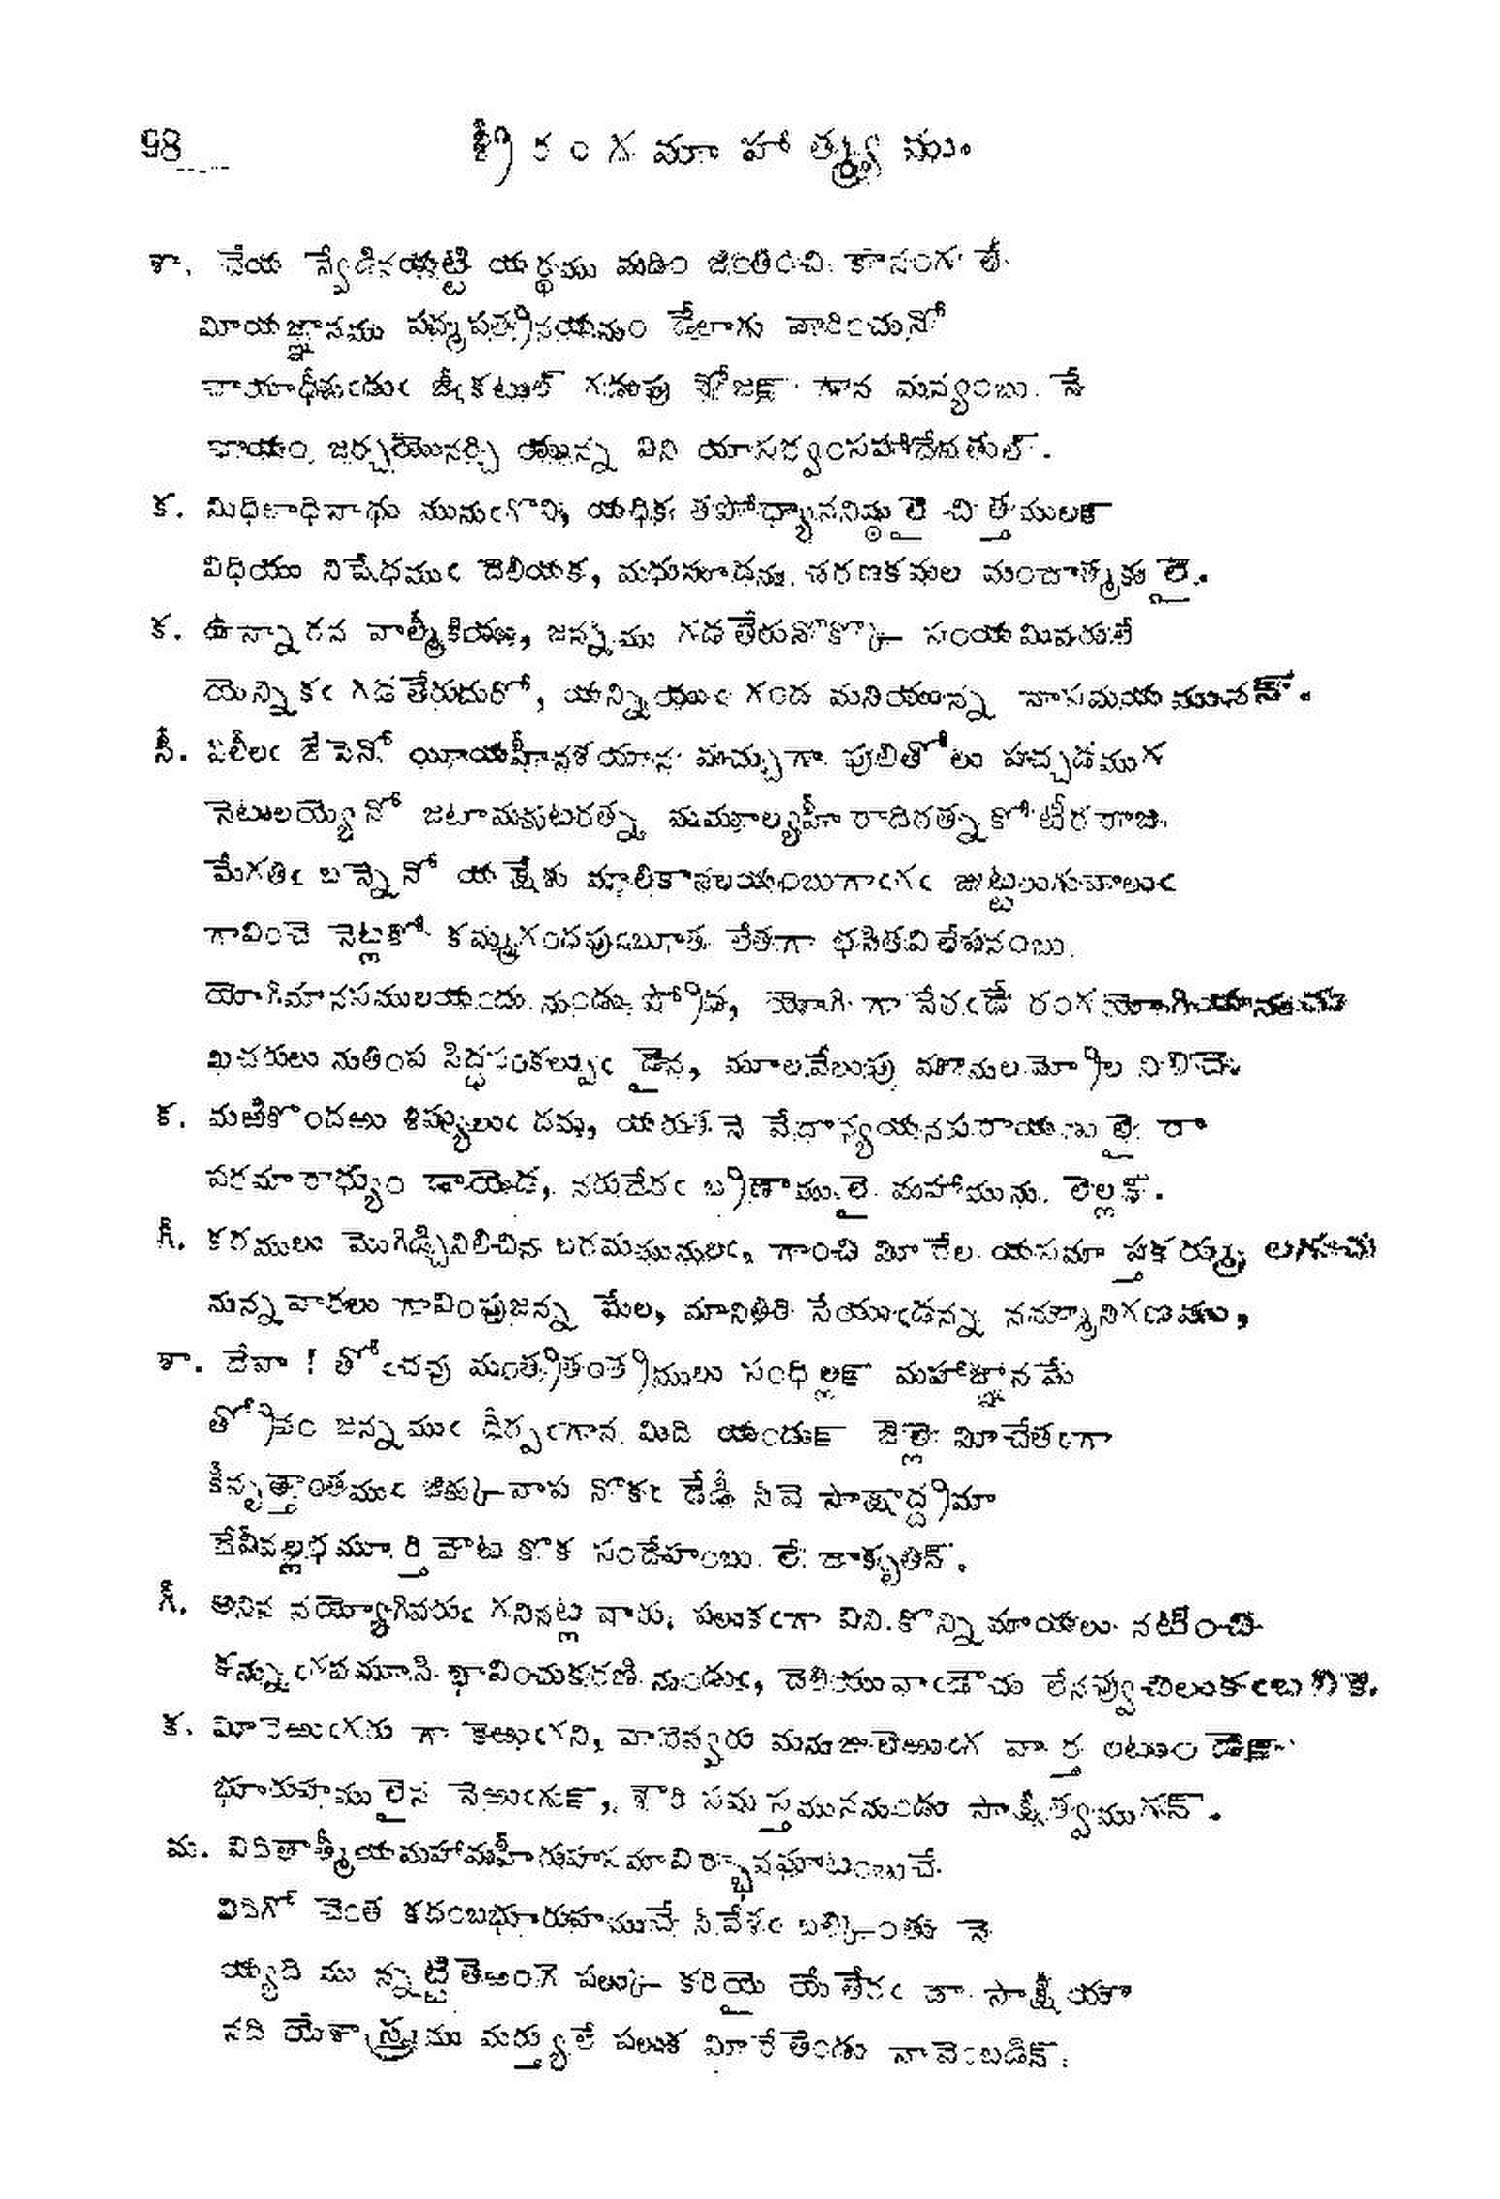శా. చేయ న్వేడినయట్టి యర్థము మదిం జింతించి కానంగఁ లే
 మీయజ్ఞానము పద్మపత్రనయనుం డేలాగు వారించునో
 చాయాధీశుఁడుఁ జీఁకటుల్ గడుపు నోజన్ గాన మన్యంబు నే
 ఛాయం జర్చయొనర్చి యున్న విని యాసర్వంసహాదేవతుల్.
క. మిథిలాధినాథు మునుఁగొని, యధిక తపోధ్యాననిష్ఠులై చిత్తములన్
 విధియు నిషేధముఁ దెలియక, మధుసూదను చరణకమల మందాత్మకులై.
క. ఉన్నారవ వాల్మీకియు, జన్నము గడ తేరునొక్కొ సంయమివరు లే
 యెన్నికఁ గడతేరుదురో, యన్నియుఁ గండ మనియున్న నాసమయమునన్.
సీ. ఏలీలఁ జేసెనో యీయహీనశయాన మచ్చుగా పులితోలు పచ్చడముగ
 నెటులయ్యెనో జటామకుటరత్న మమూల్యహీరాదిరత్నకోటీరరాజ
 మేగతిఁ బన్నెనో యక్షేశు మాలికానలయంబుగాగఁ జుట్టలుగువాలుఁ
 గావించె నెట్లకో కమ్మగంధపుఁబూక లేతగా భసితవిలేపనంబు
 యోగిమానసములయందు నుండు ప్రోడ, యోగి గా నేరఁడే రంగయోగి యనుచు
 ఖచరులు నుతింప సిద్ధసంకల్పుఁ డైన, మూలవేలుపు మౌనులమ్రోల నిలిచె.
క. మఱికొందఱు శిష్యులుఁ దమ, యరుతనె వేదాధ్యయనపరాయణులై రా
 పరమారాధ్యుం డాయెడ, నరుదేరఁ బ్రణాములై మహామును లెల్లన్.
గీ. కరములు మొగిడ్చినిలిచిన బరమమునులఁ, గాంచి మీ రేల యసమాప్తకర్ము లగుచు
 నున్నవారలు గావింపజన్న మేల, మానితిరి సేయుఁడన్న నమ్మౌనిగణము.
శా. దేవా! తోఁచవు మంత్రతంత్రములు సంధిల్లన్ మహాజ్ఞాన మే
 త్రోవం జన్నముఁ దీర్పఁగాన మిది యందున్ జెల్లె మీచేతఁగా
 కీవృత్తాంతముఁ జిక్కువాప నొకఁ డేడీ నీవె సాక్షాద్ద్రమా
 దేవీవల్లభమూర్తి వౌట కొక సందేహంబు. లే దాకృతిన్.
గీ. అనిన నయ్యోగినరుఁ గనినట్ల వారు, పలుకఁగా విని కొన్నిమాయలు నటించి
 కన్నుఁగవ మూసి భావించుకరణి నుండు, దెలియువాఁడౌచు లేనవ్వు చిలుకఁ బలికె.
క. మీరెఱుఁగరు గా కెఱుఁగని, వారెవ్వరు మనుజులెఱుఁగ వార్త లటుండెన్
 భూరుహములైన నెఱుఁగున్, శౌరి సమస్తముననుండు సాక్షిత్వముగన్.
మ. విదితాత్మీయ మహామహీరుహసమావిర్భాషఘాటంబుచే
 నిదిగో చెంత కదంబభూరుహముచే నీవేళఁ బల్కింతు నె
 య్యది ము న్నట్టితెఱంగె పల్కు కరియై యేతేరఁ దా సాక్షి యౌ
 నది యేశాస్త్రము మర్త్యులే పలుక మీ రేతెండు నావెంబడిన్.